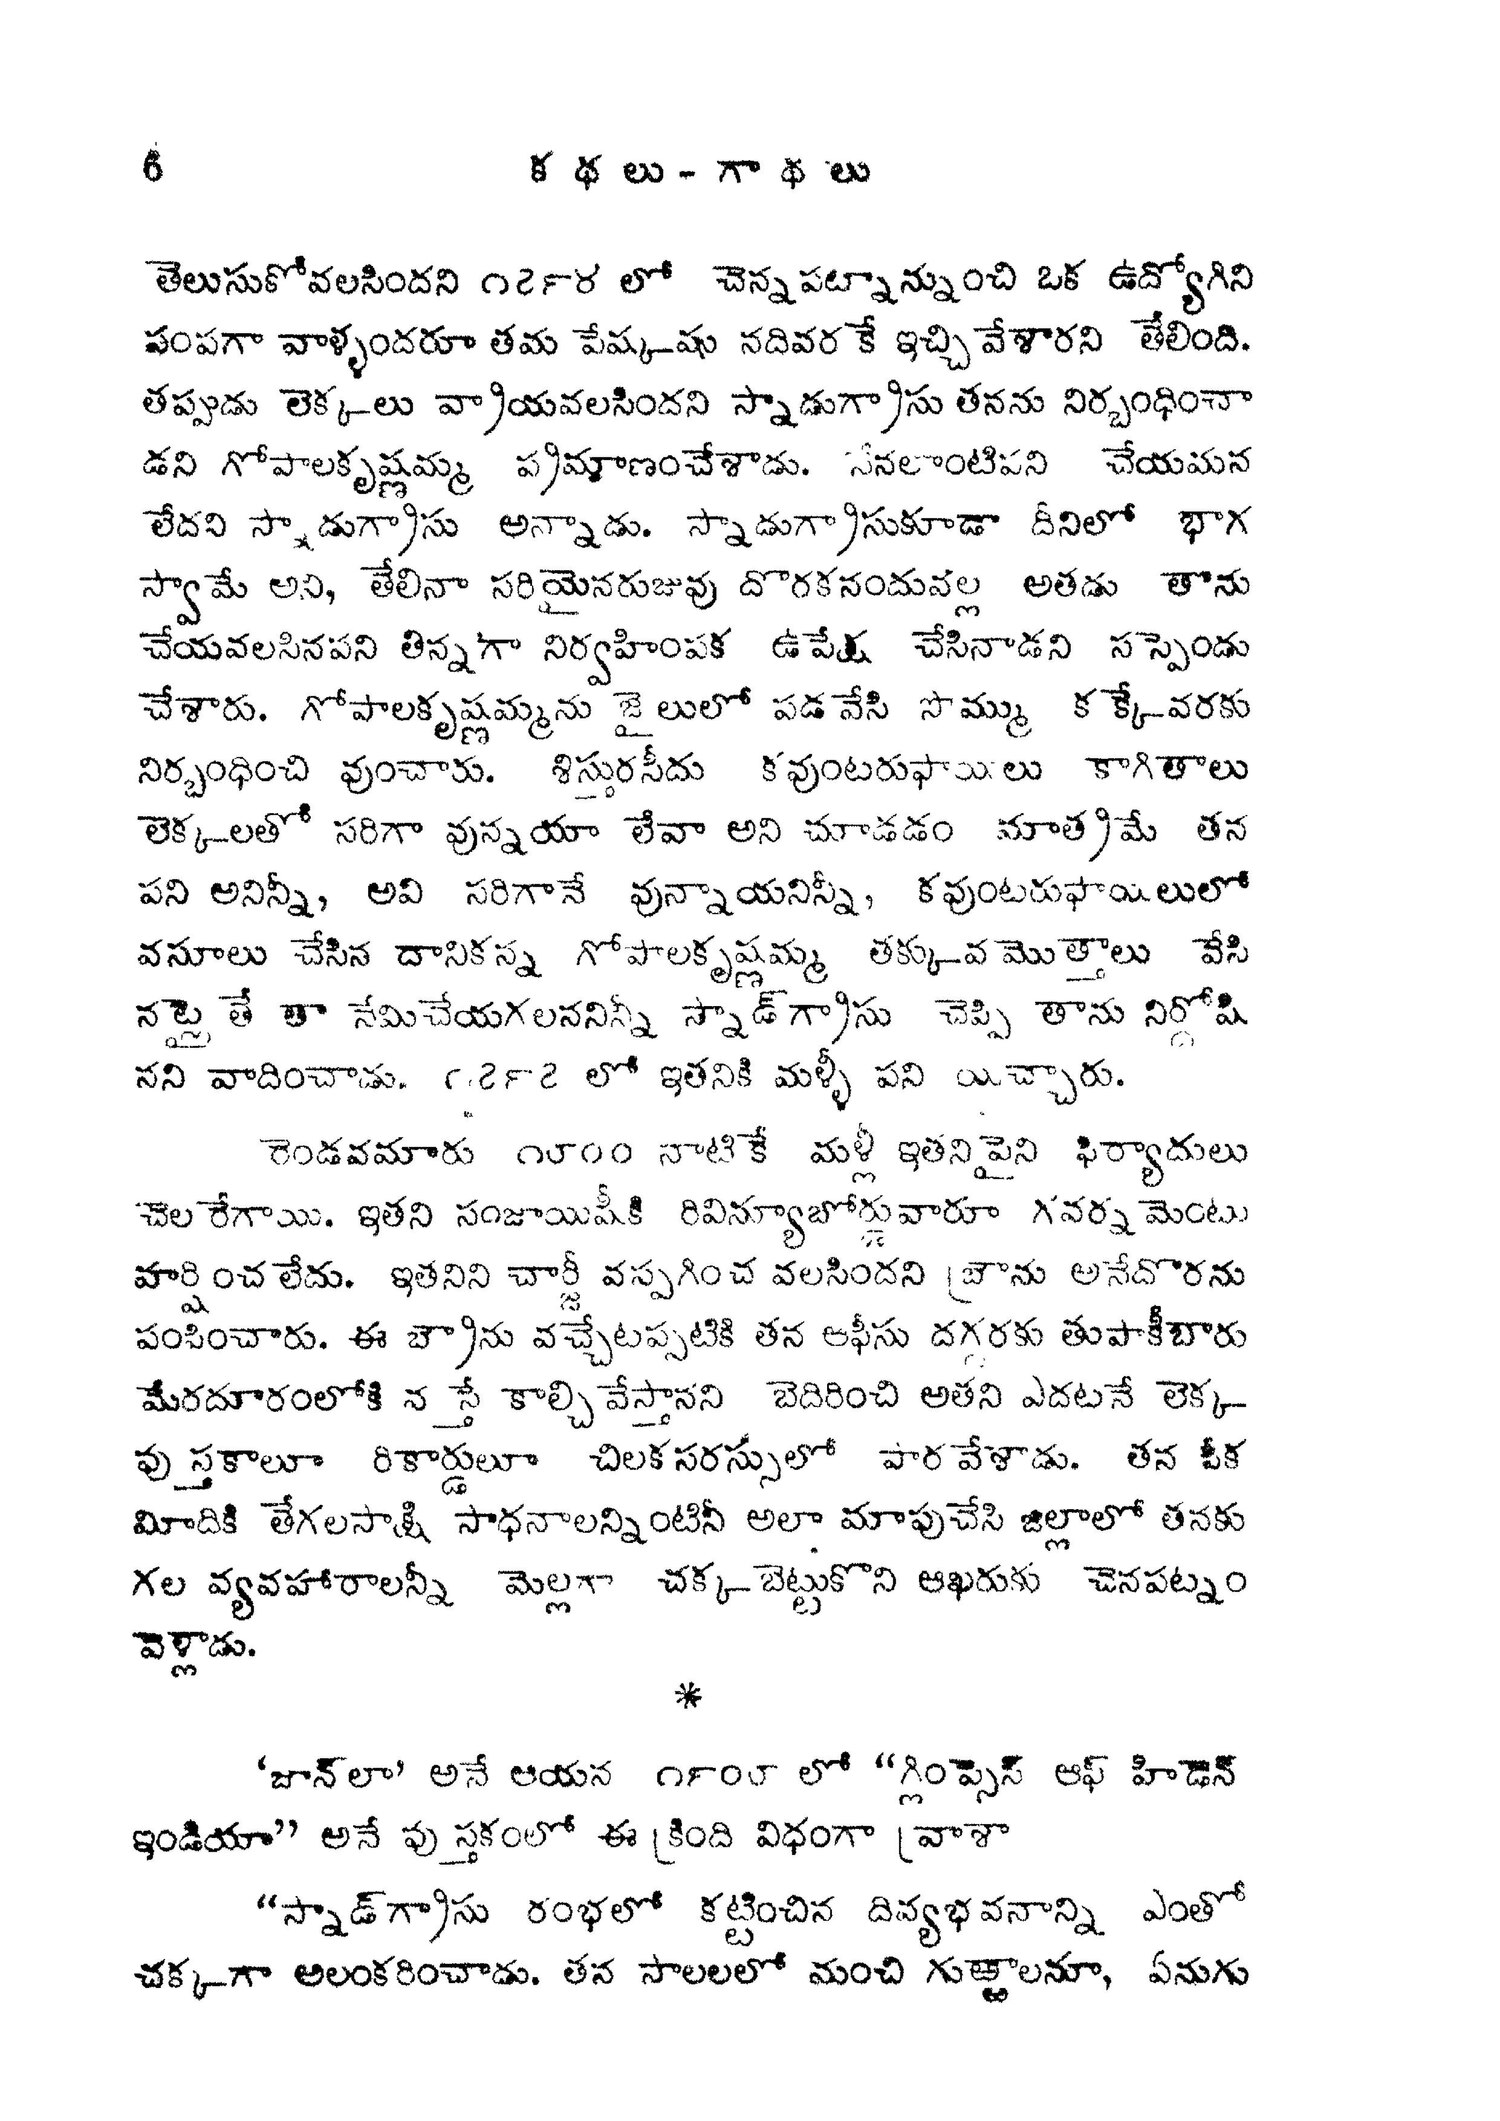తెలుసుకోవలసిందని 1794 లో చెన్నపట్నాన్నుంచి ఒక ఉద్యోగిని పంపగా వాళ్ళందరూ తమ పేష్కషు నదివరకే ఇచ్చివేశారని తేలింది. తప్పుడు లెక్కలు వ్రాయవలసిందని స్నాడుగ్రాసు తనను నిర్బంధించాడని గోపాలకృష్ణమ్మ ప్రమాణం చేశాడు. నేనలాంటిపని చేయమనలేదని స్నాడుగ్రాసు అన్నాడు. స్నాడుగ్రాసు కూడా దీనిలో భాగస్వామే అని, తేలినా సరియైనరుజువు దొరకనందువల్ల అతడు తాను చేయవలసినపని తిన్నగా నిర్వహింపక ఉపేక్ష చేసినాడని సస్పెండు చేశారు. గోపాలకృష్ణమ్మను జైలులో పడవేసి సొమ్ము కక్కేవరకు నిర్భంధించి వుంచారు. శిస్తురసీదు కవుంటరుఫాయిలు కాగితాలు లెక్కలతో సరిగా వున్నయా లేవా అని చూడడం మాత్రమే తన పని అనిన్నీ, అవి సరిగానే వున్నాయనిన్నీ, కవుంటరుఫాయిలులో వసూలు చేసిన దానికన్న గోపాలకృష్ణమ్మ తక్కువ మొత్తాలు వేసి నట్లైతే తా నేమిచేయగలననిన్నీ స్నాడ్ గ్రాసు చెప్పి తాను నిర్దోషినని వాదించాడు. 1797 ఇతనికి మళ్ళీ పని యిచ్చారు.

రెండవమారు 1810 నాటికే మళ్లీ ఇతనిపైని ఫిర్యాదులు చెలరేగాయి. ఇతని సంజాయిషీకి రివిన్యూబోర్డువారూ గవర్నమెంటు హర్షించలేదు. ఇతనిని చార్జీ వప్పగించ వలసిందని బ్రౌను అనేదొరను పంపించారు. ఈ బ్రౌను వచ్చేటప్పటికి తన ఆఫీసు దగ్గరకు తుపాకీబారు మేరదూరంలోకి వస్తే కాల్చివేస్తానని బెదిరించి అతని ఎదటనే లెక్క పుస్తకాలూ రికార్డులూ చిలకసరస్సులో పారవేశాడు. తన పీక మీదికి తేగలసాక్షి సాధనాలన్నింటినీ అలా మాపుచేసి జిల్లాలో తనకు గల వ్యవహారాలన్నీ మెల్లగా చక్కబెట్టుకొని ఆఖరుకు చెనపట్నం వెళ్లాడు.

 

'జాన్ లా ' అనే ఆయన 1908 లో "గ్లింప్సెస్ ఆఫ్ హిడెన్ ఇండియా" అనే పుస్తకంలో ఈ క్రింది విధంగవ్రాశారు

"స్నాడ్ గ్రాసు రంభలో కట్టించిన దివ్యభవనాన్నిఎంతో చక్కగా అలంకరించాడు. తన సాలలలో మంచి గుఱ్ఱాలనూ, ఏనుగు